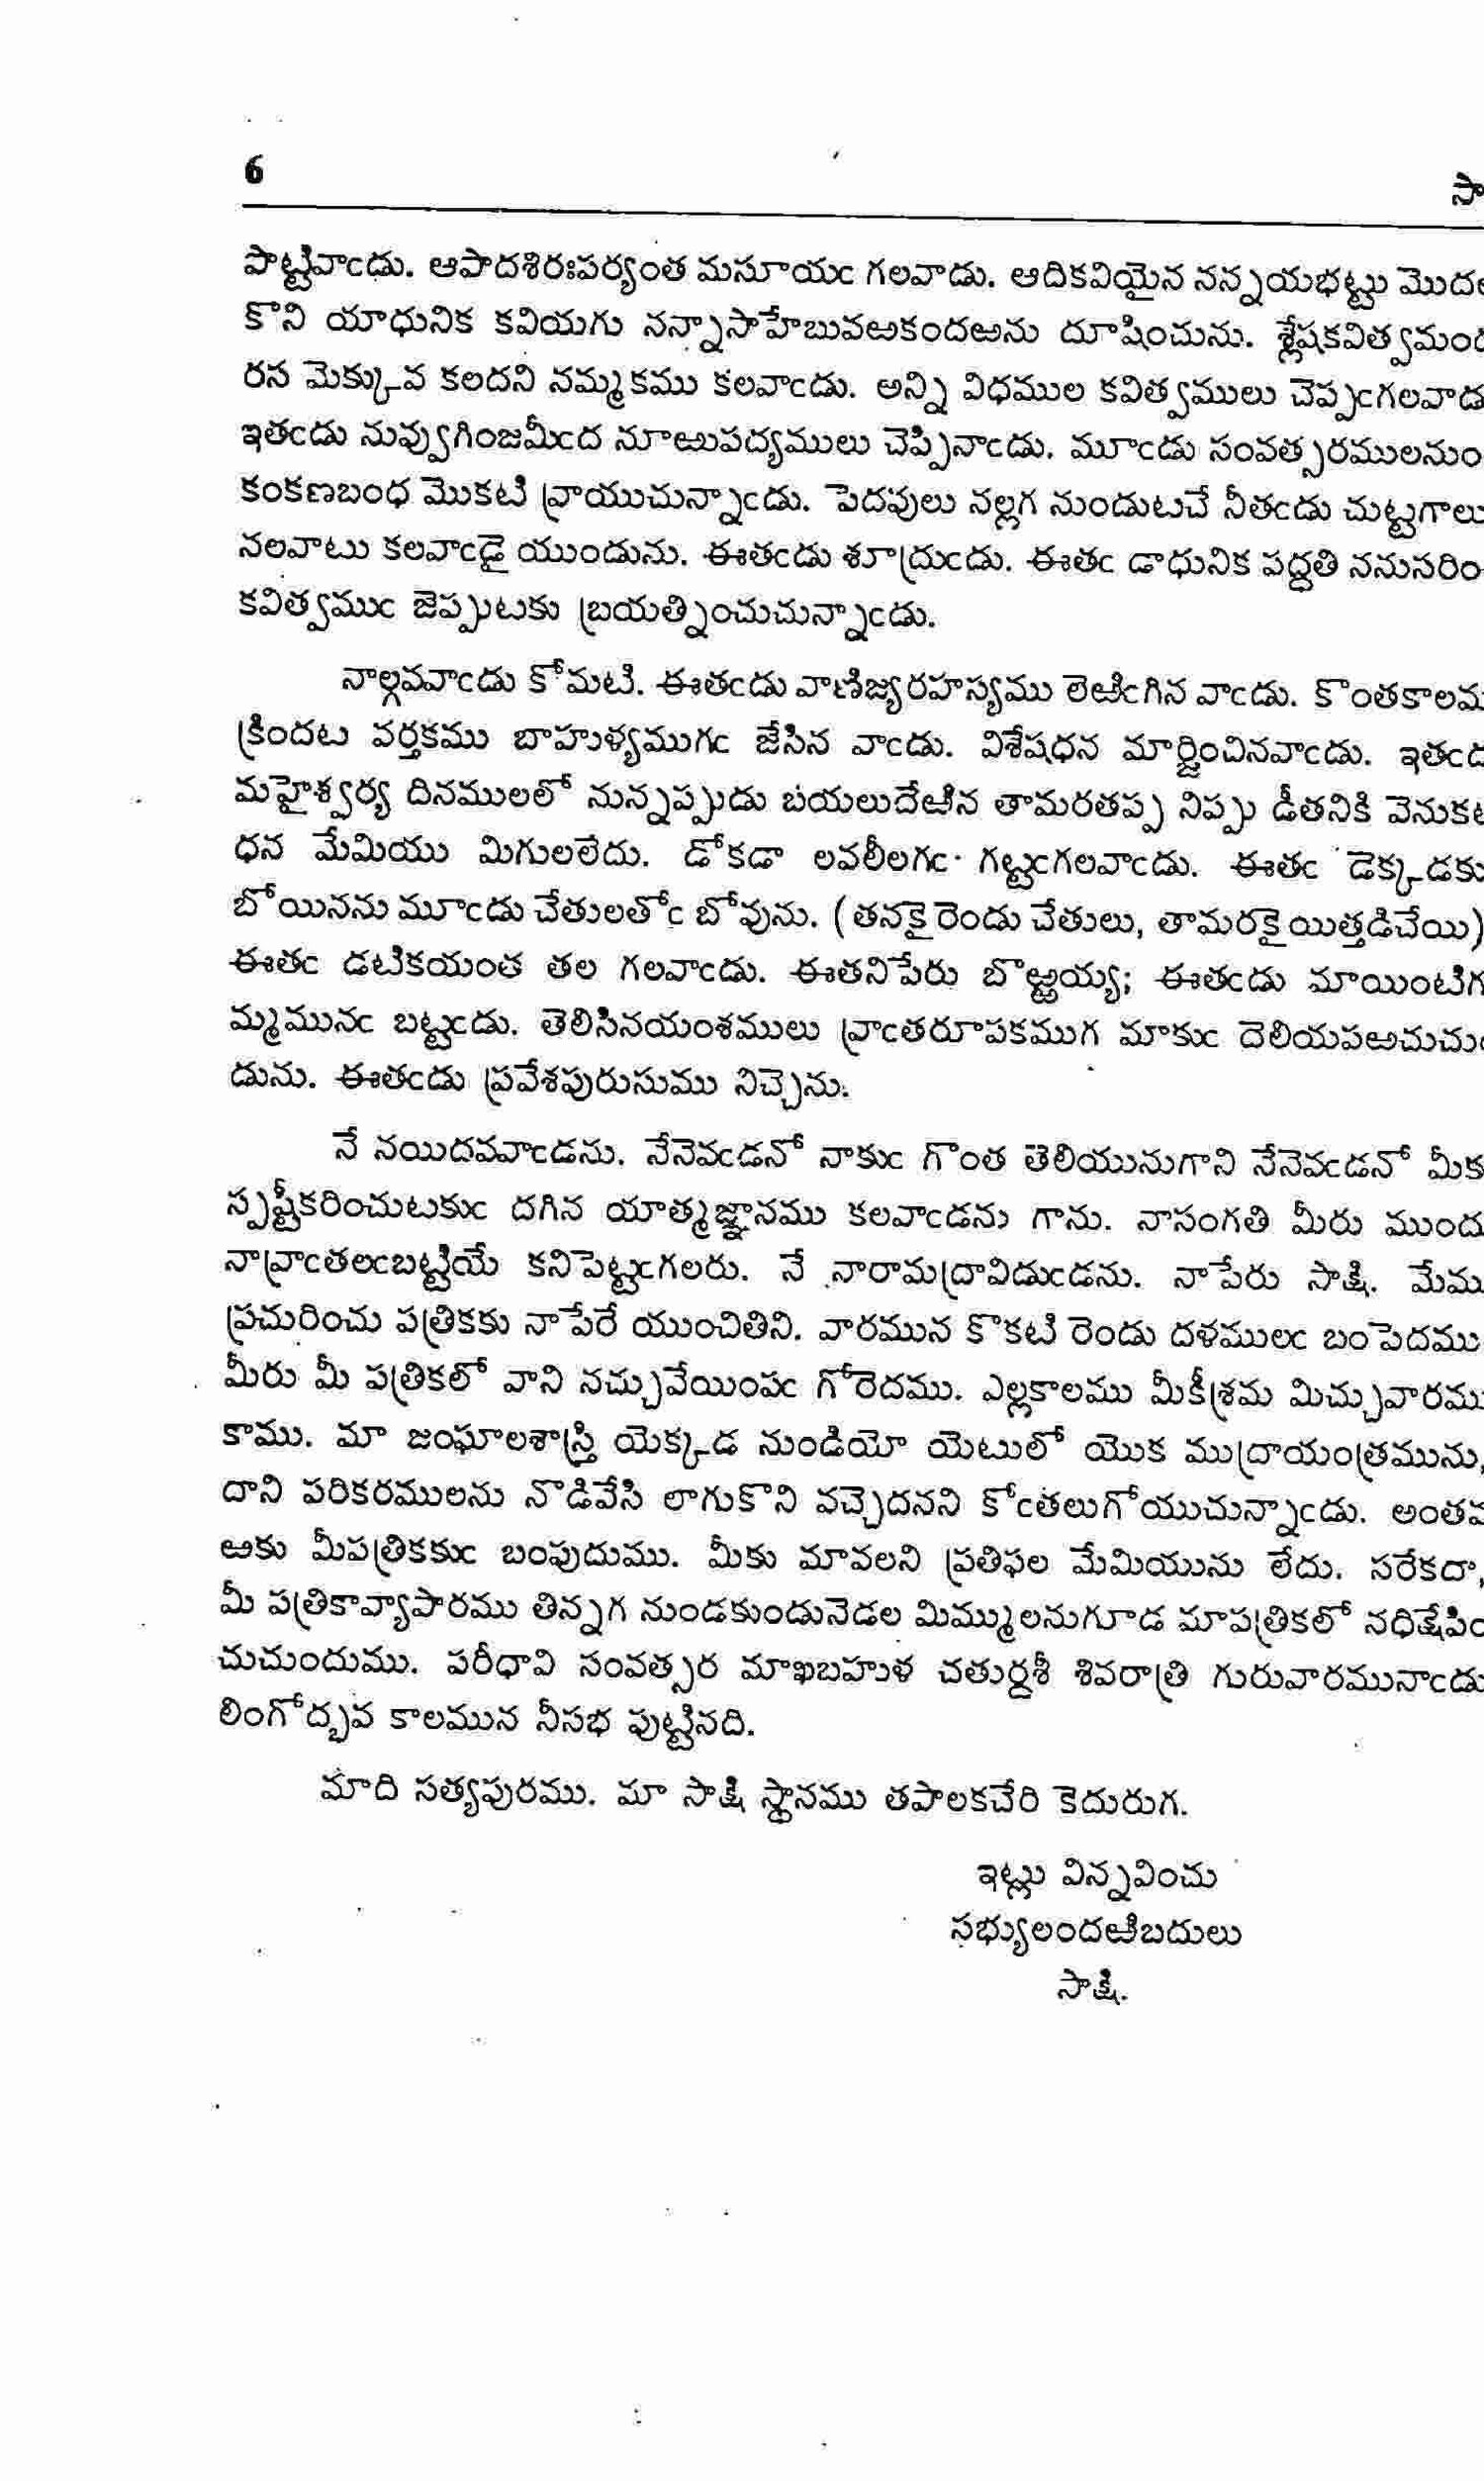పొట్టివాఁడు. ఆపాదశిరఃపర్యంత మసూయఁ గలవాడు. ఆదికవియైన నన్నయభట్టు మొదలు కొని యాధునిక కవియగు నన్నాసాహేబువఱకందఱను దూషించును. శ్లేషకవిత్వమందె రస మెక్కువ కలదని నమ్మకము కలవాఁడు. అన్ని విధముల కవిత్వములు చెప్పఁగలవాడు. ఇతఁడు నువ్వుగింజమీఁద నూఱుపద్యములు చెప్పినాఁడు. మూఁడు సంవత్సరములనుండి కంకణబంధ మొకటి వ్రాయుచున్నాఁడు. పెదవులు నల్లగ నుండుటచే నీతఁడు చుట్టగాలుచు నలవాటు కలవాఁడై యుండును. ఈతఁడు శూద్రుఁడు. ఈతఁ డాధునిక పద్ధతి ననుసరించి కవిత్వముఁ జెప్పుటకు బ్రయత్నించుచున్నాఁడు.

నాల్గవవాఁడు కోమటి. ఈతఁడు వాణిజ్యరహస్యము లెఱిఁగిన వాఁడు. కొంతకాలము క్రిందట వర్తకము బాహుళ్యముగఁ జేసిన వాఁడు. విశేషధన మార్జించినవాఁడు. ఇతఁడు మహైశ్వర్య దినములలో నున్నప్పుడు బయలుదేఱిన తామరతప్ప నిప్పు డీతనికి వెనుకట ధన మేమియు మిగులలేదు. డోకడా లవలీలగఁ గట్టఁగలవాఁడు. ఈతఁ డెక్కడకు బోయినను మూఁడు చేతులతోఁ బోవును. (తనకై రెండు చేతులు, తామరకైయిత్తడిచేయి) ఈతఁ డటికయంత తల గలవాఁడు. ఈతని పేరు బొఱ్ఱయ్య; ఈతఁడు మాయింటిగుమ్మమునఁ బట్టఁడు. తెలిసినయంశములు వ్రాఁతరూపకముగ మాకుఁ దెలియపఱచుచుండును. ఈతఁడు ప్రవేశపురుసుము నిచ్చెను.

నే నయిదవవాఁడను, నేనెవఁడనో నాకుఁ గొంత తెలియునుగాని నేనెవఁడనో మీకు స్పష్టీకరించుటకుఁ దగిన యాత్మజ్ఞానము కలవాఁడను గాను. నాసంగతి మీరు ముందు నావ్రాఁతలఁబట్టియే కనిపెట్టఁగలరు. నే నారామద్రావిడుఁడను. నాపేరు సాక్షి. మేము ప్రచురించు పత్రికకు నా పేరే యుంచితిని. వారమున కొకటి రెండు దళములఁ బంపెదము మీరు మీ పత్రికలో వాని నచ్చువేయింపఁ గోరెదము. ఎల్లకాలము మీకీశ్రమ మిచ్చువారము కాము. మా జంఘాలశాస్త్రి యెక్కడ నుండియో యెటులో యొక ముద్రాయంత్రమును, దాని పరికరములను నొడివేసి లాగుకొని వచ్చెదనని కోఁతలు గోయుచున్నాఁడు. అంతవఱకు మీపత్రికకుఁ బంపుదుము. మీకు మావలని ప్రతిఫల మేమియును లేదు. సరేకదా, మీ పత్రికా వ్యాపారము తిన్నగ నుండకుండునెడల మిమ్ములనుగూడ మాపత్రికలో నధిక్షేపించుచుందుము. పరీధావి సంవత్సర మాఖబహుళ చతుర్దశీ శివరాత్రి గురువారమునాఁడు
లింగోద్భవ కాలమున నీసభ పుట్టినది.

మాది సత్యపురము. మా సాక్షి స్థానము తపాలకచేరి కెదురుగ.